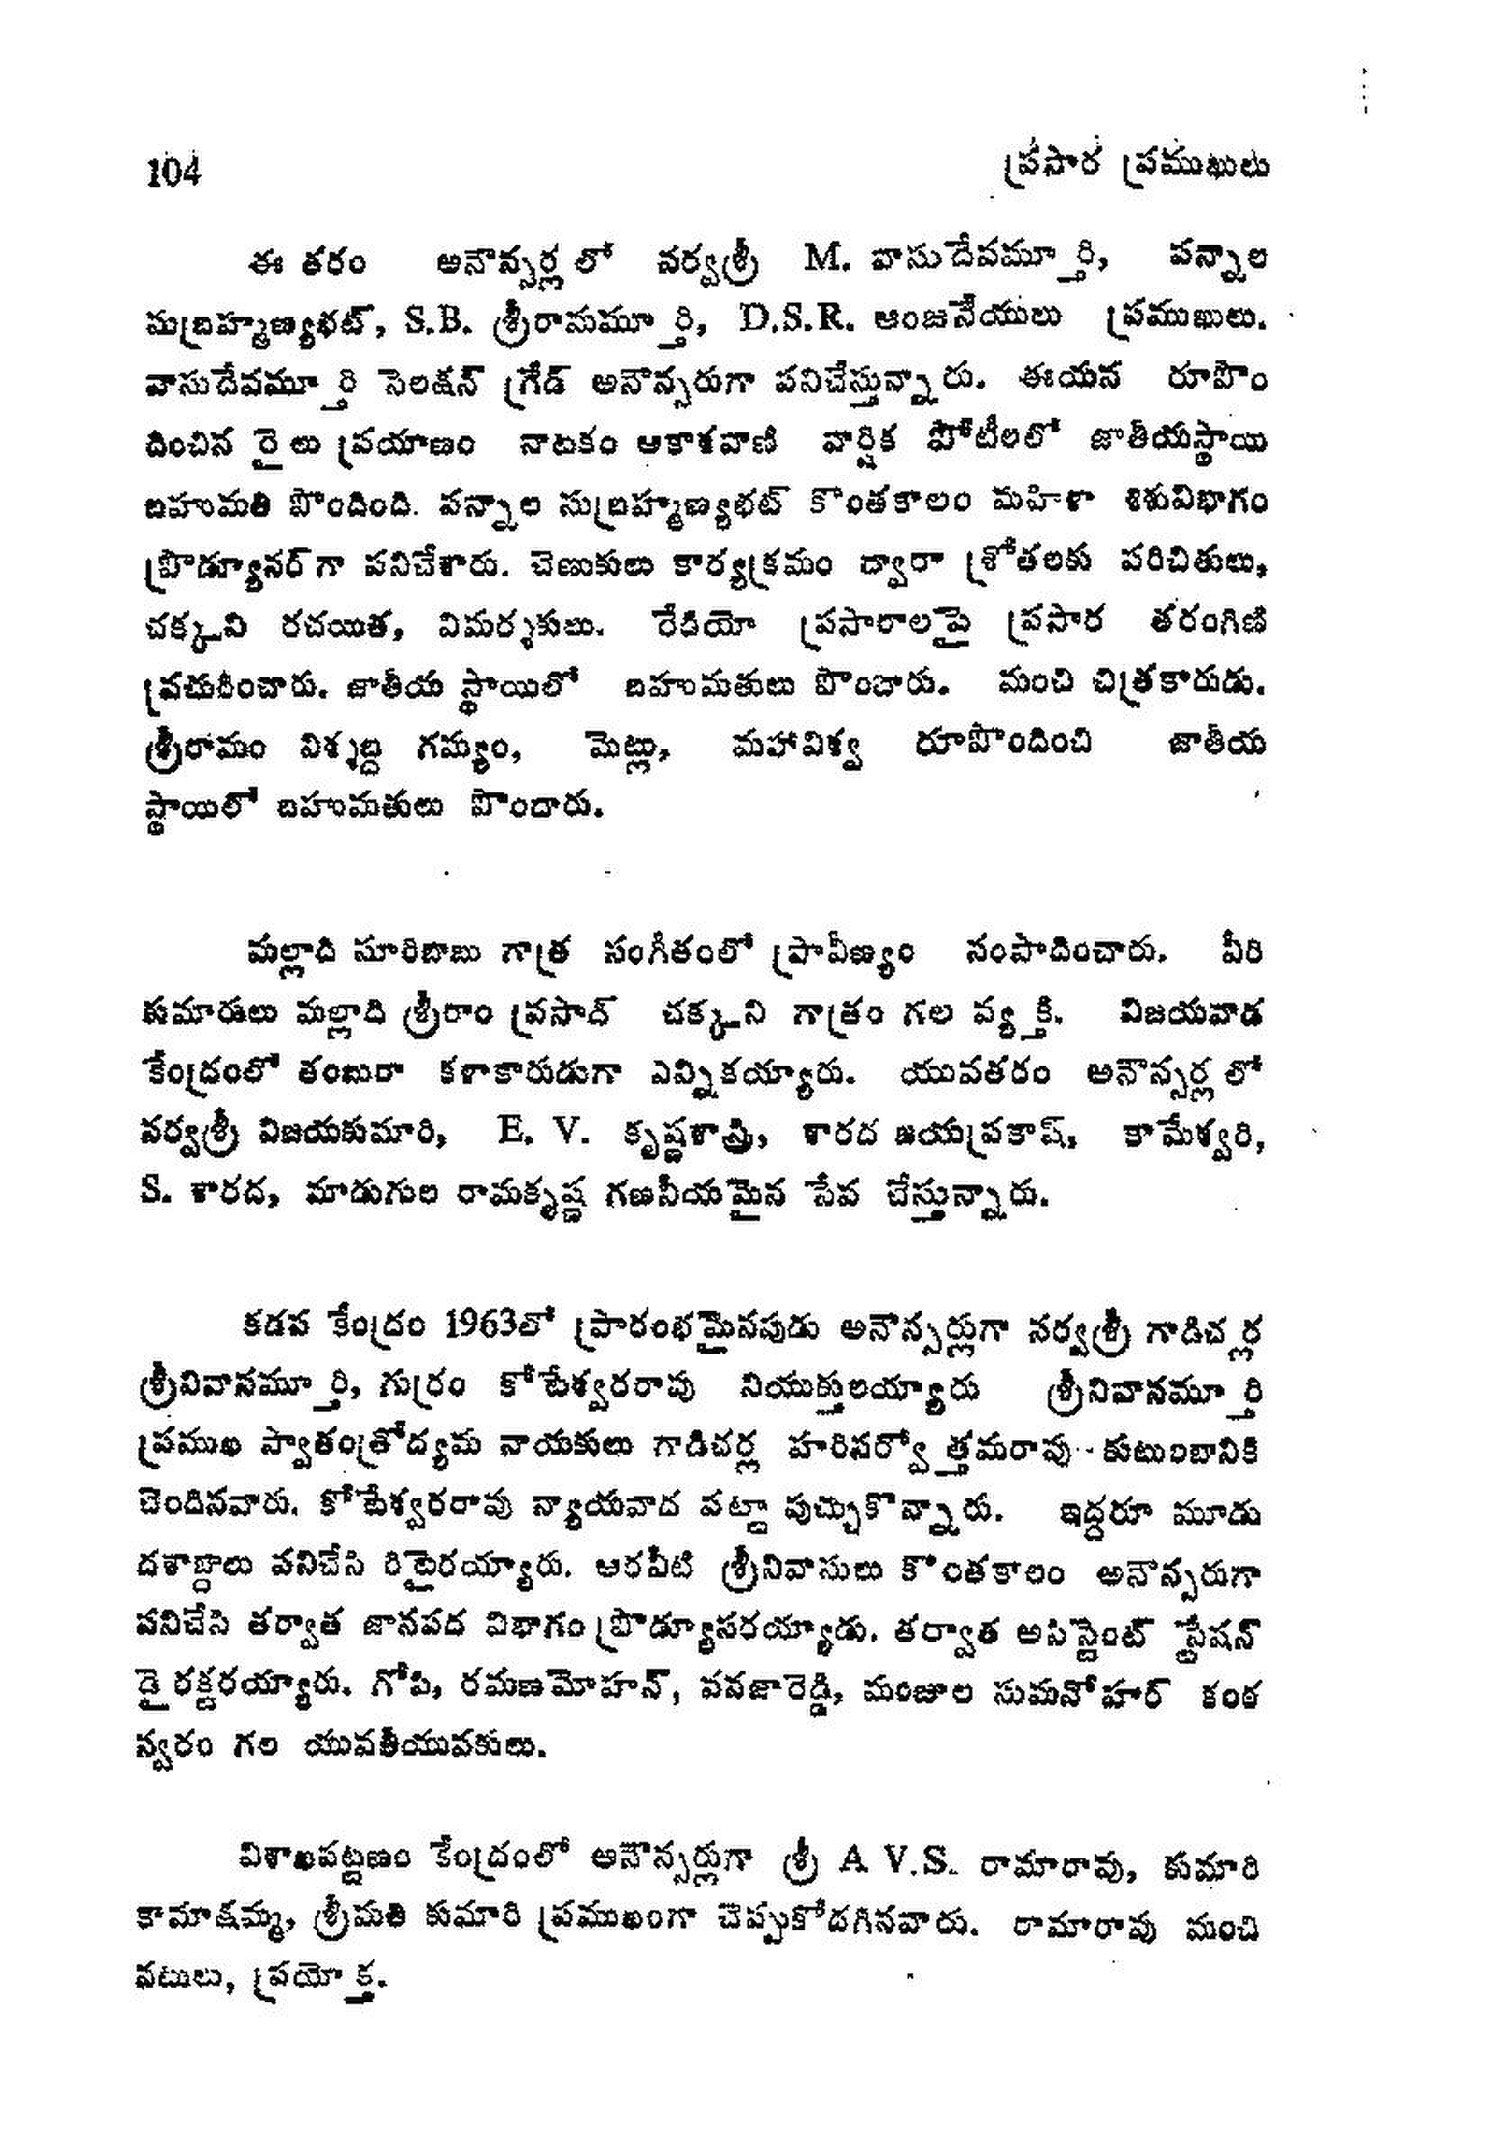ఈ తరం అనౌన్సర్లలో సర్వశ్రీ M. వాసుదేవమూర్తి, పన్నాల సుబ్రహ్మణ్యభట్, S. B. శ్రీరామమూర్తి, D. S. R. ఆంజనేయులు ప్రముఖులు. వాసుదేవమూర్తి సెలక్షన్ గ్రేడ్ అనౌన్సరుగా పనిచేస్తున్నారు. ఈయన రూపొందించిన రైలు ప్రయాణం నాటకం ఆకాశవాణి వార్షిక పోటీలలో జాతీయస్థాయి బహుమతి పొందింది. పన్నాల సుబ్రహ్మణ్యభట్ కొంతకాలం మహిళా శిశువిభాగం ప్రొడ్యూసర్‌గా పనిచేశారు. చెణుకులు కార్యక్రమం ద్వారా శ్రోతలకు పరిచితులు, చక్కని రచయిత, విమర్శకులు రేడియో ప్రసారాలపై ప్రసార తరంగిణి ప్రచురించారు. జాతీయ స్థాయిలో బహుమతులు పొందారు. మంచి చిత్రకారుడు. శ్రీరామం విశ్శబ్ద గమ్యం, మెట్లు, మహావిశ్వ రూపొందించి జాతీయ స్థాయిలో బహుమతులు పొందారు.

మల్లాది సూరిబాబు గాత్ర సంగీతంలో ప్రావీణ్యం సంపాదించారు. వీరి కుమారులు మల్లాది శ్రీరాం ప్రసాద్ చక్కని గాత్రం గల వ్యక్తి. విజయవాడ కేంద్రంలో తంబురా కళాకారుడుగా ఎన్నికయ్యారు. యువతరం అనౌన్సర్లలో సర్వశ్రీ విజయకుమారి, E. V. కృష్ణశాస్త్రి, శారద జయప్రకాష్, కామేశ్వరి, S. శారద, మాడుగుల రామకృష్ణ గణనీయమైన సేవ చేస్తున్నారు.

కడప కేంద్రం 1963లో ప్రారంభమైనపుడు అనౌన్సర్లుగా సర్వశ్రీ గాడిచర్ల శ్రీనివాసమూర్తి, గుర్రం కోటేశ్వరరావు నియుక్తులయ్యారు. శ్రీనివాసమూర్తి ప్రముఖ స్వాతంత్రోద్యమ నాయకులు గాడిచర్ల హరిసర్వోత్తమరావు కుటుంబానికి చెందినవారు. కోటేశ్వరరావు న్యాయవాద పట్టా పుచ్చుకొన్నారు. ఇద్దరూ మూడు దశాబ్దాలు పనిచేసి రిటైరయ్యారు. ఆరవీటి శ్రీనివాసులు కొంతకాలం అనౌన్సరుగా పనిచేసి తర్వాత జానపద విభాగం ప్రొడ్యూసరయ్యాడు. తర్వాత అసిస్టెంట్ స్టేషన్ డైరక్టరయ్యారు. గోపి, రమణమోహన్, వనజారెడ్డి, మంజుల సుమనోహర్ కంఠస్వరం గల యువతీయువకులు.

విశాఖపట్టణం కేంద్రంలో అనౌన్సర్లుగా శ్రీ A. V. S. రామారావు, కుమారి కామాక్షమ్మ, శ్రీమతి కుమారి ప్రముఖంగా చెప్పుకోదగినవారు. రామారావు మంచి నటులు, ప్రయోక్త.